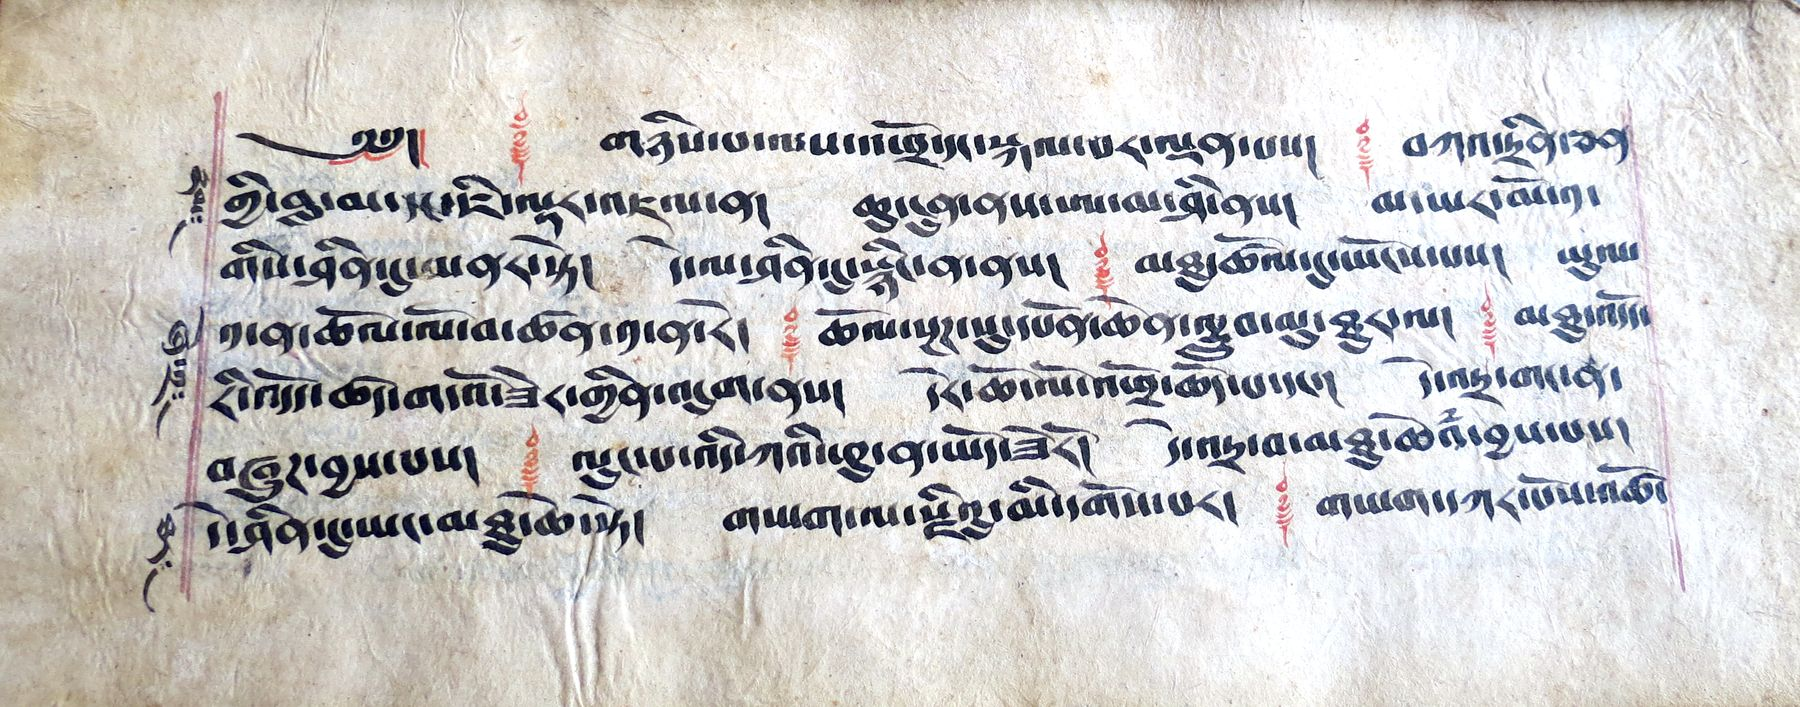གཉིས་པ་ལས་འཕྲོ་དང་སྐལ་པར་ལྡན་པ་ནི། བཀའ་དྲིན་ཅན་
གྱི་བླ་མ་དང་ཅི་ལྟར་མཇལ་ན། ཆུང་ངུན་ནས་ཨ་མ་ཤི་ནས། མ་ཡར་མོ་གཅིག་
གིས་ཤིན་ཏུ་མནར་ཏེ། དེ་ལ་ཤིན་ཏུ་སྙིང་ན་ནས། མཐུ་ཚོལ་དུ་ཡོད་པས། ཡུལ་
ཞིག་ན་ཆོ་ལོ་བ་ཚན་ཞིག་ན་རེ། ཆོལ་སྔགས་སུ་དཔོན་ཆེན་ལྷུན་གྲུབ་མུ་ཐུར་ལ། མཐུ་འདོད་
རི་འདོད་ཚད་གདའ་འོ་ཟེར་གྱིན་འདུག་ནས། དེར་ཆོ་ལོ་འཕྲོ་ཆོད་པ་དང་། དེ་འདྲ་གང་ན་
བཞུགས་བྱས་པ་དང་། ལུང་པ་འདི་ཀའི་ཕུ་ན་ཡོད་ཟེར་རོ། ། དེ་འདྲ་བ་མཐུ་ཆེ་འམ་བྱས་པས། 
དེ་ཤིན་ཏུ་ཡང་མཐུ་ཆེ་སྟེ། གཡག་ལ་རྫིའུ་མི་དགོས་པར་གཡག་དཀར་པོས་འཚོ་